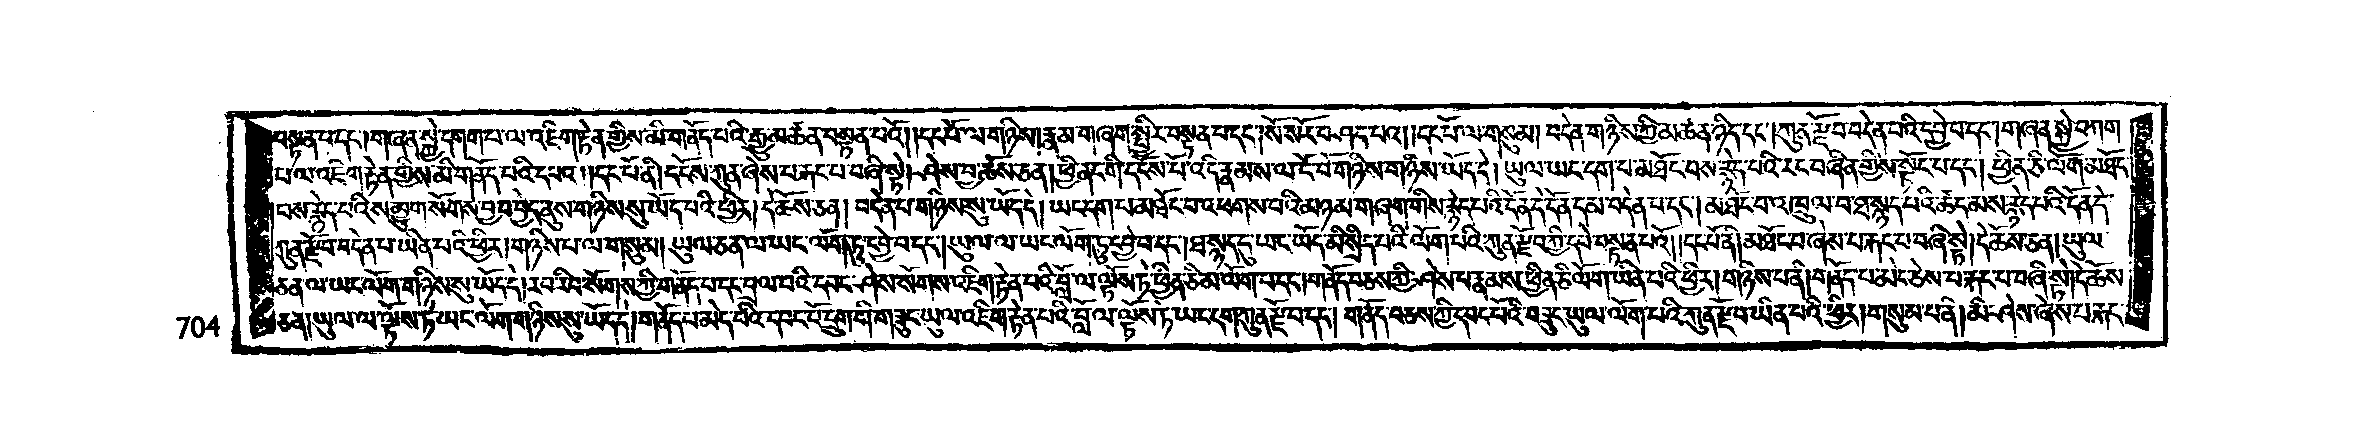བསྟན་པ་དང་། གཞན་སྐྱེ་དགག་པ་ལ་འཇིག་རྟེན་གྱིས་མི་གནོད་པའི་རྒྱུ་མཚན་བསྟན་པའོ། །དང་པོ་ལ་གཉིས། རྣམ་གཞག་སྤྱིར་བསྟན་པ་དང་། སོ་སོར་བཤད་པའོ། །དང་པོ་ལ་གསུམ། བདེན་གཉིས་ཀྱི་མཚན་ཉིད་དང་། ཀུན་རྫོབ་བདེན་པའི་དབྱེ་བ་དང་། གཞན་སྐྱེ་བཀག་
པ་ལ་འཇིག་རྟེན་གྱིས་མི་གནོད་པའི་དཔའ། །དང་པོ་ནི། དངོས་ཀུན་ཞེས་པ་རྐང་པ་བཞི་སྟེ། ཤེས་བྱ་ཆོས་ཅན། ཕྱི་ནང་གི་དངོས་པོ་འདི་རྣམས་ལ་ངོ་བོ་གཉིས་གཉིས་ཡོད་དེ། ཡུལ་ཡང་དག་པ་མཐོང་བས་རྙེད་པའི་རང་བཞིན་གྱིས་སྟོང་པ་དང་། ཕྱིན་ཅི་ལོག་མཐོང་
པས་རྙེད་པའི་ས་མྱུག་སོགས་བྱ་བ་བྱེད་ནུས་གཉིས་སུ་ཡོད་པའི་ཕྱིར། དེ་ཆོས་ཅན། བདེན་པ་གཉིས་སུ་ཡོད་དེ། ཡང་དག་པ་མཐོང་བ་འཕགས་པའི་མཉམ་གཞག་གིས་རྙེད་པའི་དོན་དེ་དོན་དམ་བདེན་པ་དང་། མཐོང་བ་འཁྲུལ་བ་ཐ་སྙད་པའི་ཚད་མས་རྙེད་པའི་དོན་དེ་
ཀུན་རྫོབ་བདེན་པ་ཡིན་པའི་ཕྱིར། གཉིས་པ་ལ་གསུམ། ཡུལ་ཅན་ལ་ཡང་ལོག་ཏུ་དབྱེ་བ་དང་། ཡུལ་ལ་ཡང་ལོག་ཏུ་དབྱེ་བ་དང་། ཐ་སྙད་དུ་ཡང་ཡོད་མི་སྲིད་པའི་ལོག་པའི་ཀུན་རྫོབ་ཀྱི་དཔེ་བསྟན་པའོ། །དང་པོ་ནི། མཐོང་བ་ཞེས་པ་རྐང་པ་བཞི་སྟེ། དེ་ཆོས་ཅན། ཡུལ་
ཅན་ལ་ཡང་ལོག་གཉིས་སུ་ཡོད་དེ། རབ་རིབ་སོགས་ཀྱི་གནོད་པ་དང་བྲལ་བའི་དབང་ཤེས་སོགས་འཇིག་རྟེན་པའི་བློ་ལ་ལྟོས་ཏེ་ཕྱིན་ཅི་མ་ལོག་པ་དང་། གནོད་བཅས་ཀྱི་ཤེས་པ་རྣམས་ཕྱིན་ཅི་ལོག་ཡིན་པའི་ཕྱིར། གཉིས་པ་ནི། གནོད་པ་མེད་ཅེས་པ་རྐང་པ་བཞི་སྟེ། དེ་ཆོས་
ཅན། ཡུལ་ལ་ལྟོས་ཏེ་ཡང་ལོག་གཉིས་སུ་ཡོད་དེ། གནོད་པ་མེད་པའི་དབང་པོ་དྲུག་གི་གཟུང་ཡུལ་འཇིག་རྟེན་པའི་བློ་ལ་ལྟོས་ཏེ་ཡང་དག་ཀུན་རྫོབ་དང་། གནོད་བཅས་ཀྱི་དབང་པོའི་བཟུང་ཡུལ་ལོག་པའི་ཀུན་རྫོབ་ཡིན་པའི་ཕྱིར། གསུམ་པ་ནི། མི་ཤེས་ཞེས་པ་རྐང་